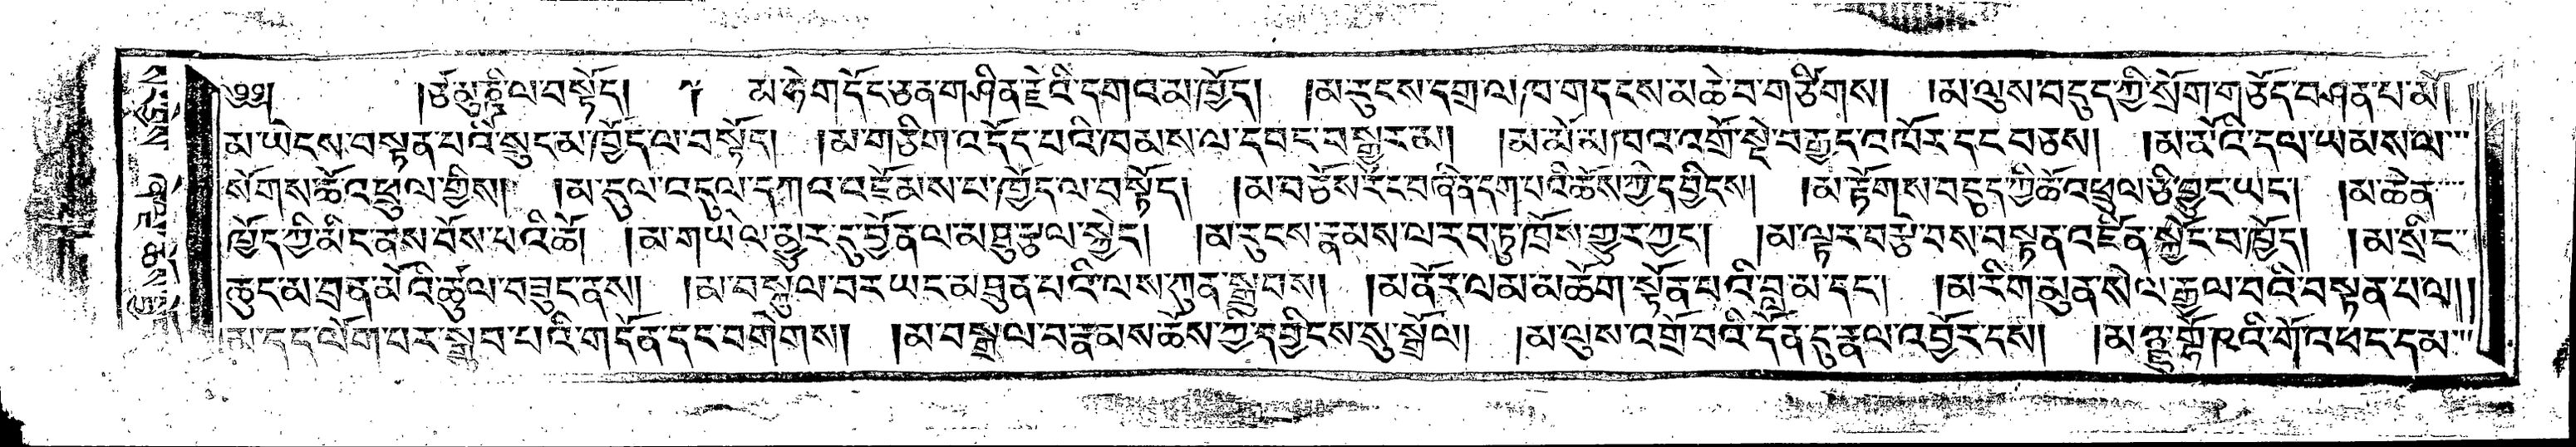༄༅། །ཙ་མུཎྜི་ལ་བསྟོད། ༈ མ་ཧེ་གདོང་ཅན་གཤིན་རྗེའི་དགའ་མ་ཁྱོད། །མ་རུངས་དགྲ་ལ་ཁ་གདངས་མཆེ་བ་གཙིགས། །མ་ལུས་བདུད་ཀྱི་སྲོག་གཅོད་བཤན་པ་མོ། །
མ་ཡེངས་བསྟན་པའི་སྲུང་མ་ཁྱོད་ལ་བསྟོད། །མ་གཅིག་འདོད་པའི་ཁམས་ལ་དབང་བསྒྱུར་མ། །མ་མོ་མཁའ་འགྲོ་སྡེ་བརྒྱད་འཁོར་དང་བཅས། །མ་མོའི་དལ་ཡམས་ལ་
སོགས་ཆོ་འཕྲུལ་གྱིས། །མ་དུལ་འདུལ་དཀའ་འཇོམས་པ་ཁྱོད་ལ་བསྟོད། །མ་བཅོས་རང་བཞིན་དག་པའི་ཆོས་ཀྱི་དབྱིངས། །མ་རྟོགས་བདུད་ཀྱི་ཆོ་འཕྲུལ་ཅི་བྱུང་ཡང་། །མ་ཆེན་
ཁྱོད་ཀྱི་མིང་ནས་བོས་པའི་ཚེ། །མ་གཡེལ་མྱུར་དུ་བྱོན་ལ་མཐུ་རྩལ་སྐྱེད། །མ་རུངས་རྣམས་ལ་རབ་ཏུ་ཁྲོས་གྱུར་ཀྱང་། །མ་ལྟར་བརྩེ་བས་བསྟན་འཛིན་སྐྱོང་བ་ཁྱོད། །མ་སྲིང་
ཆུང་མ་བྲན་མོའི་ཚུལ་བཟུང་ནས། །མ་བསྐུལ་བར་ཡང་མཐུན་པའི་ལས་ཀུན་སྒྲུབས། །མ་ནོར་ལམ་མཆོག་སྟོན་པའི་བླ་མ་དང་། །མ་རིག་མུན་སེལ་རྒྱལ་བའི་བསྟན་པ་ལ། །
མ་དད་ལོག་པར་སྒྲུབ་པའི་གདོན་དང་བགེགས། །མ་བསྒྲལ་བ་རྣམས་ཆོས་ཀྱི་དབྱིངས་སུ་སྒྲོལ། །མ་ལུས་འགྲོ་བའི་དོན་དུ་རྣལ་འབྱོར་ངས། །མཉྫུ་གྷོ་ཥའི་གོ་འཕང་དམ་